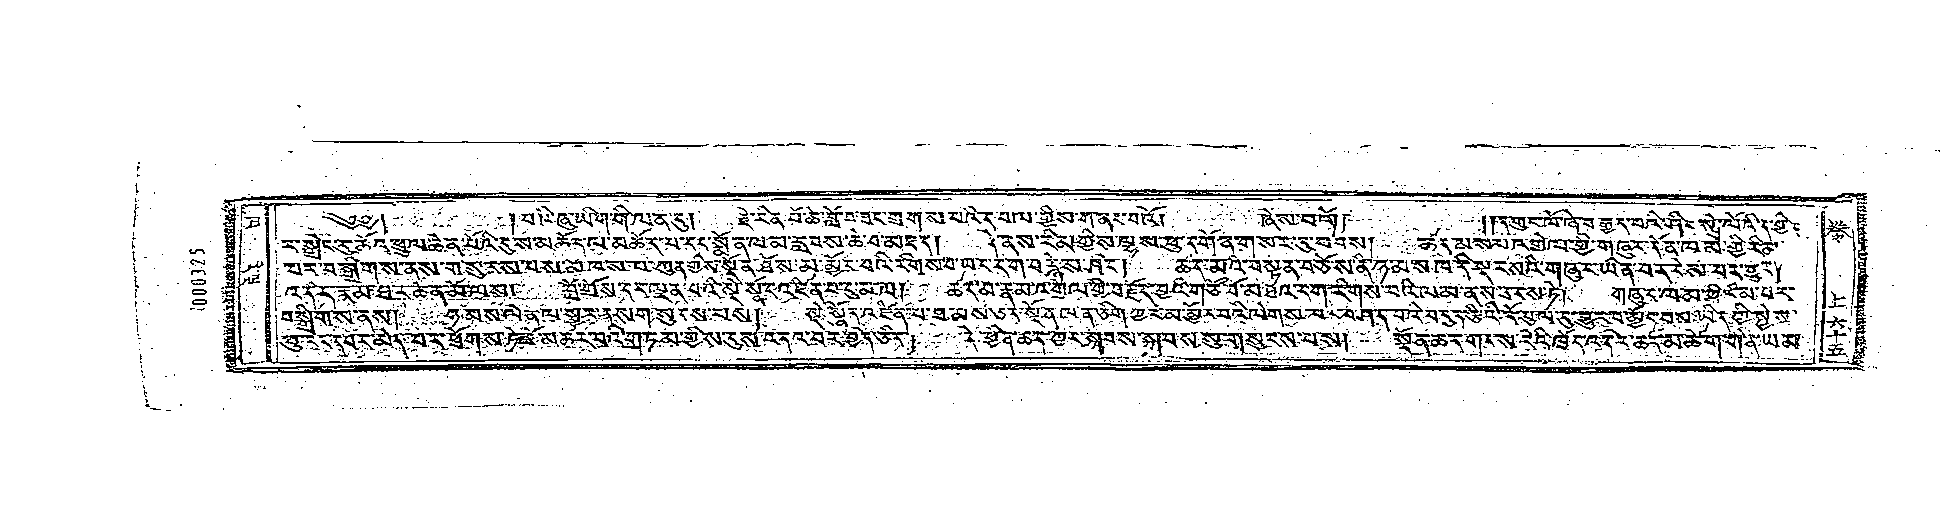༄༅། །བའི་ཞུ་ཡིག་གི་ལན་དུ། རྗེ་རིན་པོ་ཆེ་བློ་བཟང་གྲགས་པའི་དཔལ་གྱིས་གནང་བའོ། ཞེས་བའོ།། །།དགུང་ལོ་ཞེ་བརྒྱད་བའི་ཤིང་སྤྲེ་ལོའི་དཔྱིད་
ར་སྒྲེང་དུ་ཆོ་འཕྲུལ་ཆེན་པོའི་དུས་མཆོད་ལ་མཆོད་པ་དང་སྨོན་ལམ་རླབས་ཆེ་བ་མཛད། དེ་ནས་རིམ་གྱིས་ལྷས་ཕུ་དགོན་གསར་དུ་ཕེབས། ཚད་མ་སམ་འགྲེལ་གྱི་གཞུང་དོན་ལམ་གྱི་རིམ་
པར་བསྒྲིགས་ནས་གསུངས་པས་མཁས་པ་ཀུན་གྱིས་སྔོན་ཐོས་མ་མྱོང་བའི་རིགས་བ་ཡང་དག་བརྙེས་ཤིང་། ཚད་མའི་བསྟན་བཅོས་ནི་ཉམས་ཁ་རི་སྡར་སའི་གཞུང་ཡིན་པར་ངེས་པར་གྱུར།
འདིར་རྣམ་ཐར་ཆེན་མོ་ལས། བློ་གྲོས་དང་ལྡན་པའི་སྡེ་སྣོང་འཛིན་པ་དུ་མ་ལ། ཚད་མ་རྣམ་འགྲེལ་གྱི་བརྗོད་བྱའི་གཙོ་བོ་མཐའ་དག་རིགས་བའི་ལམ་ནས་དྲངས་ཏེ། གཞུང་ལམ་གྱི་རིམ་པར་
བསྒྲིགས་ནས། ཉམས་ལེན་ལ་སྦྱར་ནས་གསུངས་པས། སྡེ་སྣོད་འཛིན་པ་ཐམས་ཅད་སྔོན་ལན་ཅིག་ཀྱང་མ་མྱོང་བའི་ལེགས་པར་བཤད་པའི་བདུད་རྩིའི་རོ་ཕུལ་དུ་བྱུང་བ་མྱོང་བས་ཡིད་ཀྱི་སྐྱེས་
བུ་རང་དབང་མེད་བར་ཕྲོགས་ཏེ་ངོ་མཚར་བའི་གཏམ་གྱིས་དུས་འདའ་བར་བྱེད་ཅིང་། དེ་ཕྱིན་ཆད་ཀྱང་སྐབས་སྐབས་སུ་གསུངས་པས། སྡོན་ཆད་གངས་རིའི་ཁྲོད་འདིར་ཚད་མཚིག་གི་ན་ཡམ་